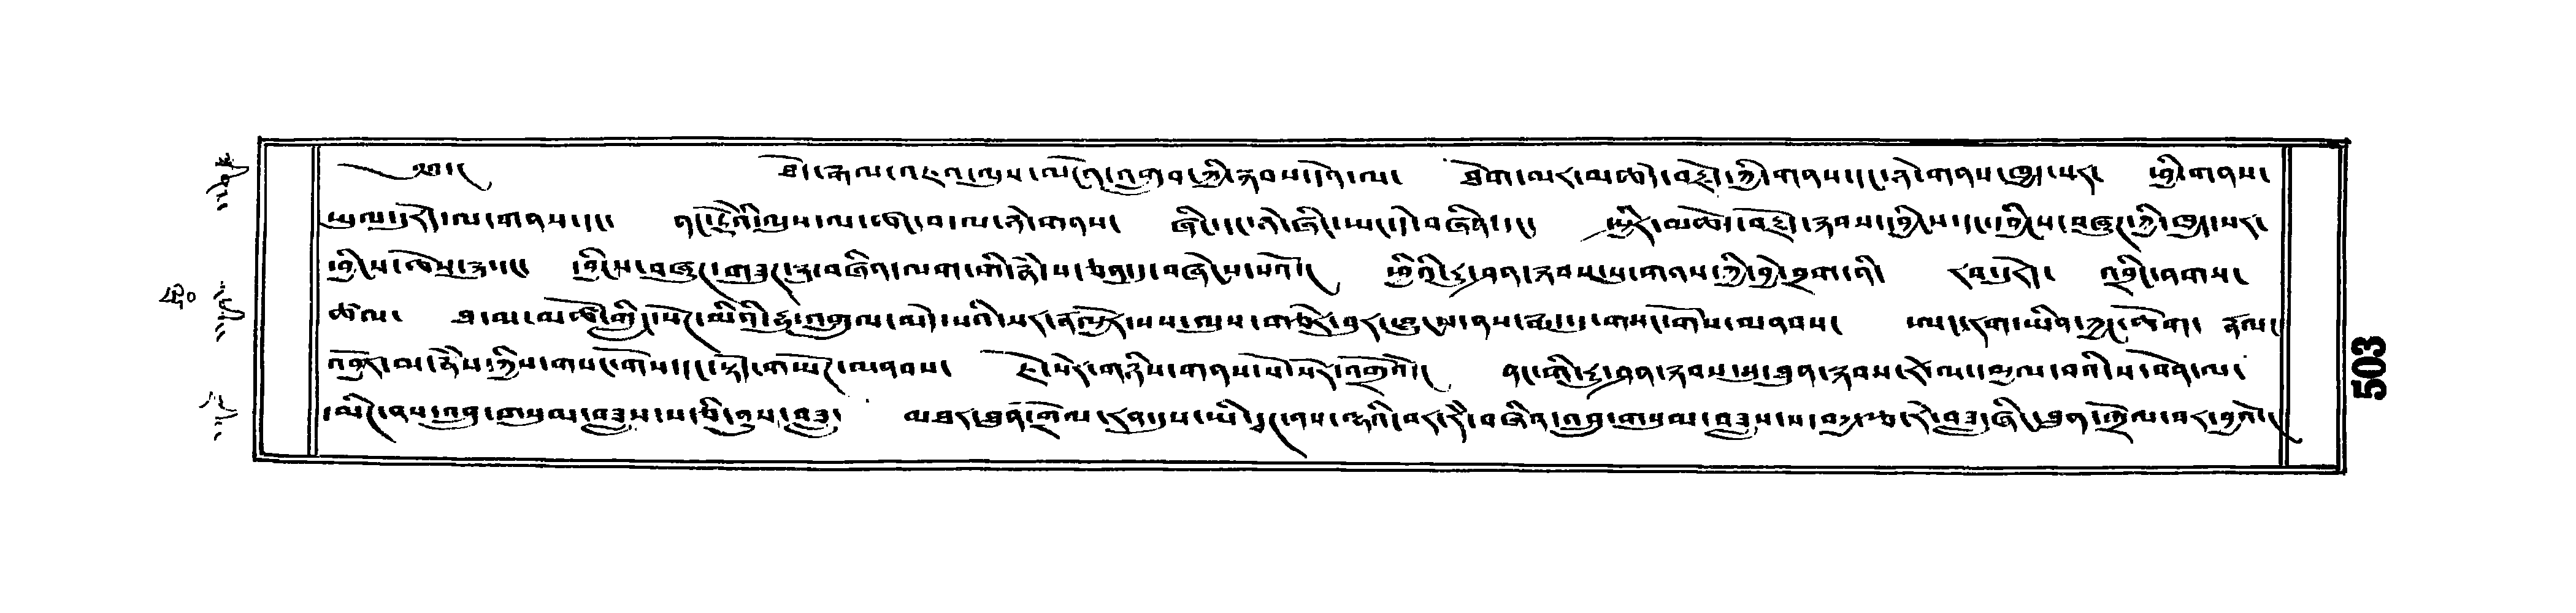ཐོད་རྒལ་འཇའ་ལུས་མངོན་འགྲུབ་ཀྱི་སྐབས་དོན་ལ། ཐོག་མར་མཆོད་བརྗོད་ཀྱི་གནས་དང་ཉེ་གནས་ཁྱད་པར། ཕྱི་གནས་
ཡུལ་དུར་ཁྲོད་ལ་གནས་དང་། ནང་རྡོ་རྗེའི་ལུས་ལ་ཚང་བ་ལ་ཉེ་གནས། ཞིང་དང་ཉེ་ཞིང་ཡང་དེ་བཞིན་དང་། སྤྱིར་མཆོད་བརྗོད་སྐབས་དབྱིངས་དང་དབྱིངས་བཞུགས་ཀྱི་ཁྱད་པར་
དབྱིངས་ཆོས་སྐུ་དང་། དབྱིངས་བཞུགས་གཟུགས་སྐུ་བཞིན་ལག་གི་རྣམ་པ་ཅན་དུ་བཞེངས་པའོ། ཕྱིའི་རུ་ཤན་སྐབས་སུ་གནས་ཀྱི་བྱེ་བྲག་ནི། རབ་དུར་ཁྲོད། འབྲིང་ནགས་
ཚལ། ཐ་མ་མཚོ་གླིང་སོགས་མིའི་རྒྱུ་འགྲུལ་མེད་པའི་སར་རྣལ་འབྱོར་པས་ལུས་གཅེར་བུར་ཕྱུངས་ནས་སྨད་དུ་གསང་དགོས་མནབས། ཨང་རག་ཡིན་ཀྱང་ཆོག རྣལ་
འབྱོར་མ་རྣམས་ཀྱིས་གསང་གོས་དང་སྟོད་གཡོགས་མནབས། ཇོ་སེར་གཉིས་གནས་སོ་སོར་འགྲོའོ། ནང་གི་རུ་ཤན་སྐབས་སུ་ཐུན་སྐབས་རེ་ལ་དམྱལ་བའི་ས་བོན་ལ་
དམིགས་ནས་འབྲུ་གསུམ་བཟླས་པ་ཅི་ནུས་བཟླ། མཐར་ཐུན་གྲོལ་རན་དུས་ཡི་དྭགས་ནས་ལྷའི་བར་རེ་རེ་བཞིན་འབྲུ་གསུམ་བཟླས་པ་བརྒྱ་རྩ་རེ་བཟླ་ཞིང་ཐུན་གྲོལ་བར་བྱའོ།